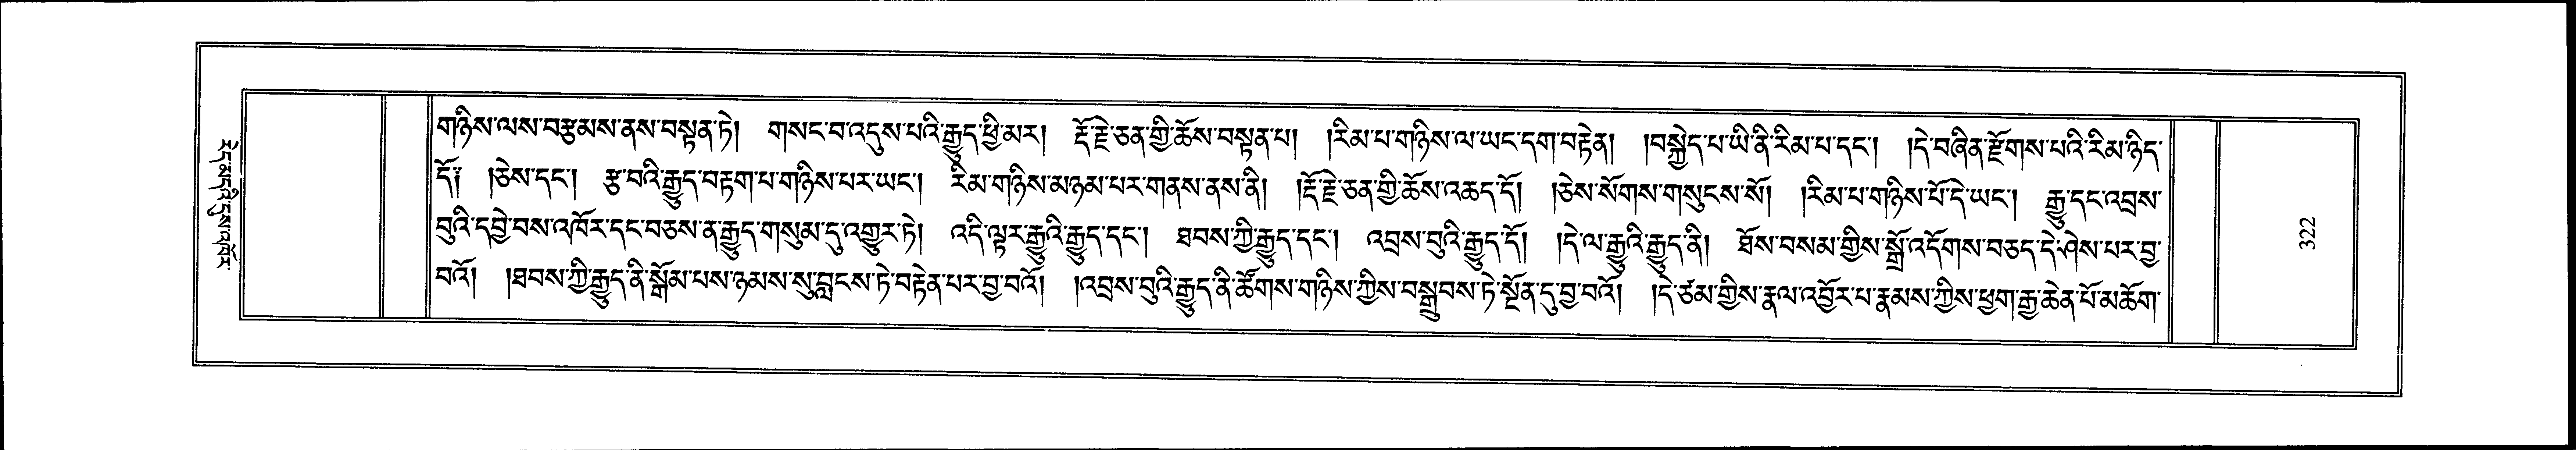གཉིས་ལས་བརྩམས་ནས་བསྟན་ཏེ། གསང་བ་འདུས་པའི་རྒྱུད་ཕྱི་མར། རྡོ་རྗེ་ཅན་གྱི་ཆོས་བསྟན་པ། །རིམ་པ་གཉིས་ལ་ཡང་དག་བརྟེན། །བསྐྱེད་པ་ཡི་ནི་རིམ་པ་དང་། །དེ་བཞིན་རྫོགས་པའི་རིམ་ཉིད་
དོ། །ཅེས་དང་། རྩ་བའི་རྒྱུད་བརྟག་པ་གཉིས་པར་ཡང་། རིམ་གཉིས་མཉམ་པར་གནས་ནས་ནི། །རྡོ་རྗེ་ཅན་གྱི་ཆོས་འཆད་དོ། །ཅེས་སོགས་གསུངས་སོ། །རིམ་པ་གཉིས་པོ་དེ་ཡང་། རྒྱུ་དང་འབྲས་
བུའི་དབྱེ་བས་འཁོར་དང་བཅས་ན་རྒྱུད་གསུམ་དུ་འགྱུར་ཏེ། འདི་ལྟར་རྒྱུའི་རྒྱུད་དང་། ཐབས་ཀྱི་རྒྱུད་དང་། འབྲས་བུའི་རྒྱུད་དོ། །དེ་ལ་རྒྱུའི་རྒྱུད་ནི། ཐོས་བསམ་གྱིས་སྒྲོ་འདོགས་བཅད་དེ་ཤེས་པར་བྱ་
བའོ། །ཐབས་ཀྱི་རྒྱུད་ནི་སྒོམ་པས་ཉམས་སུ་བླངས་ཏེ་བརྟེན་པར་བྱ་བའོ། །འབྲས་བུའི་རྒྱུད་ནི་ཚོགས་གཉིས་ཀྱིས་བསྒྲུབས་ཏེ་སྔོན་དུ་བྱ་བའོ། །དེ་ཙམ་གྱིས་རྣལ་འབྱོར་པ་རྣམས་ཀྱིས་ཕྱག་རྒྱ་ཆེན་པོ་མཆོག་